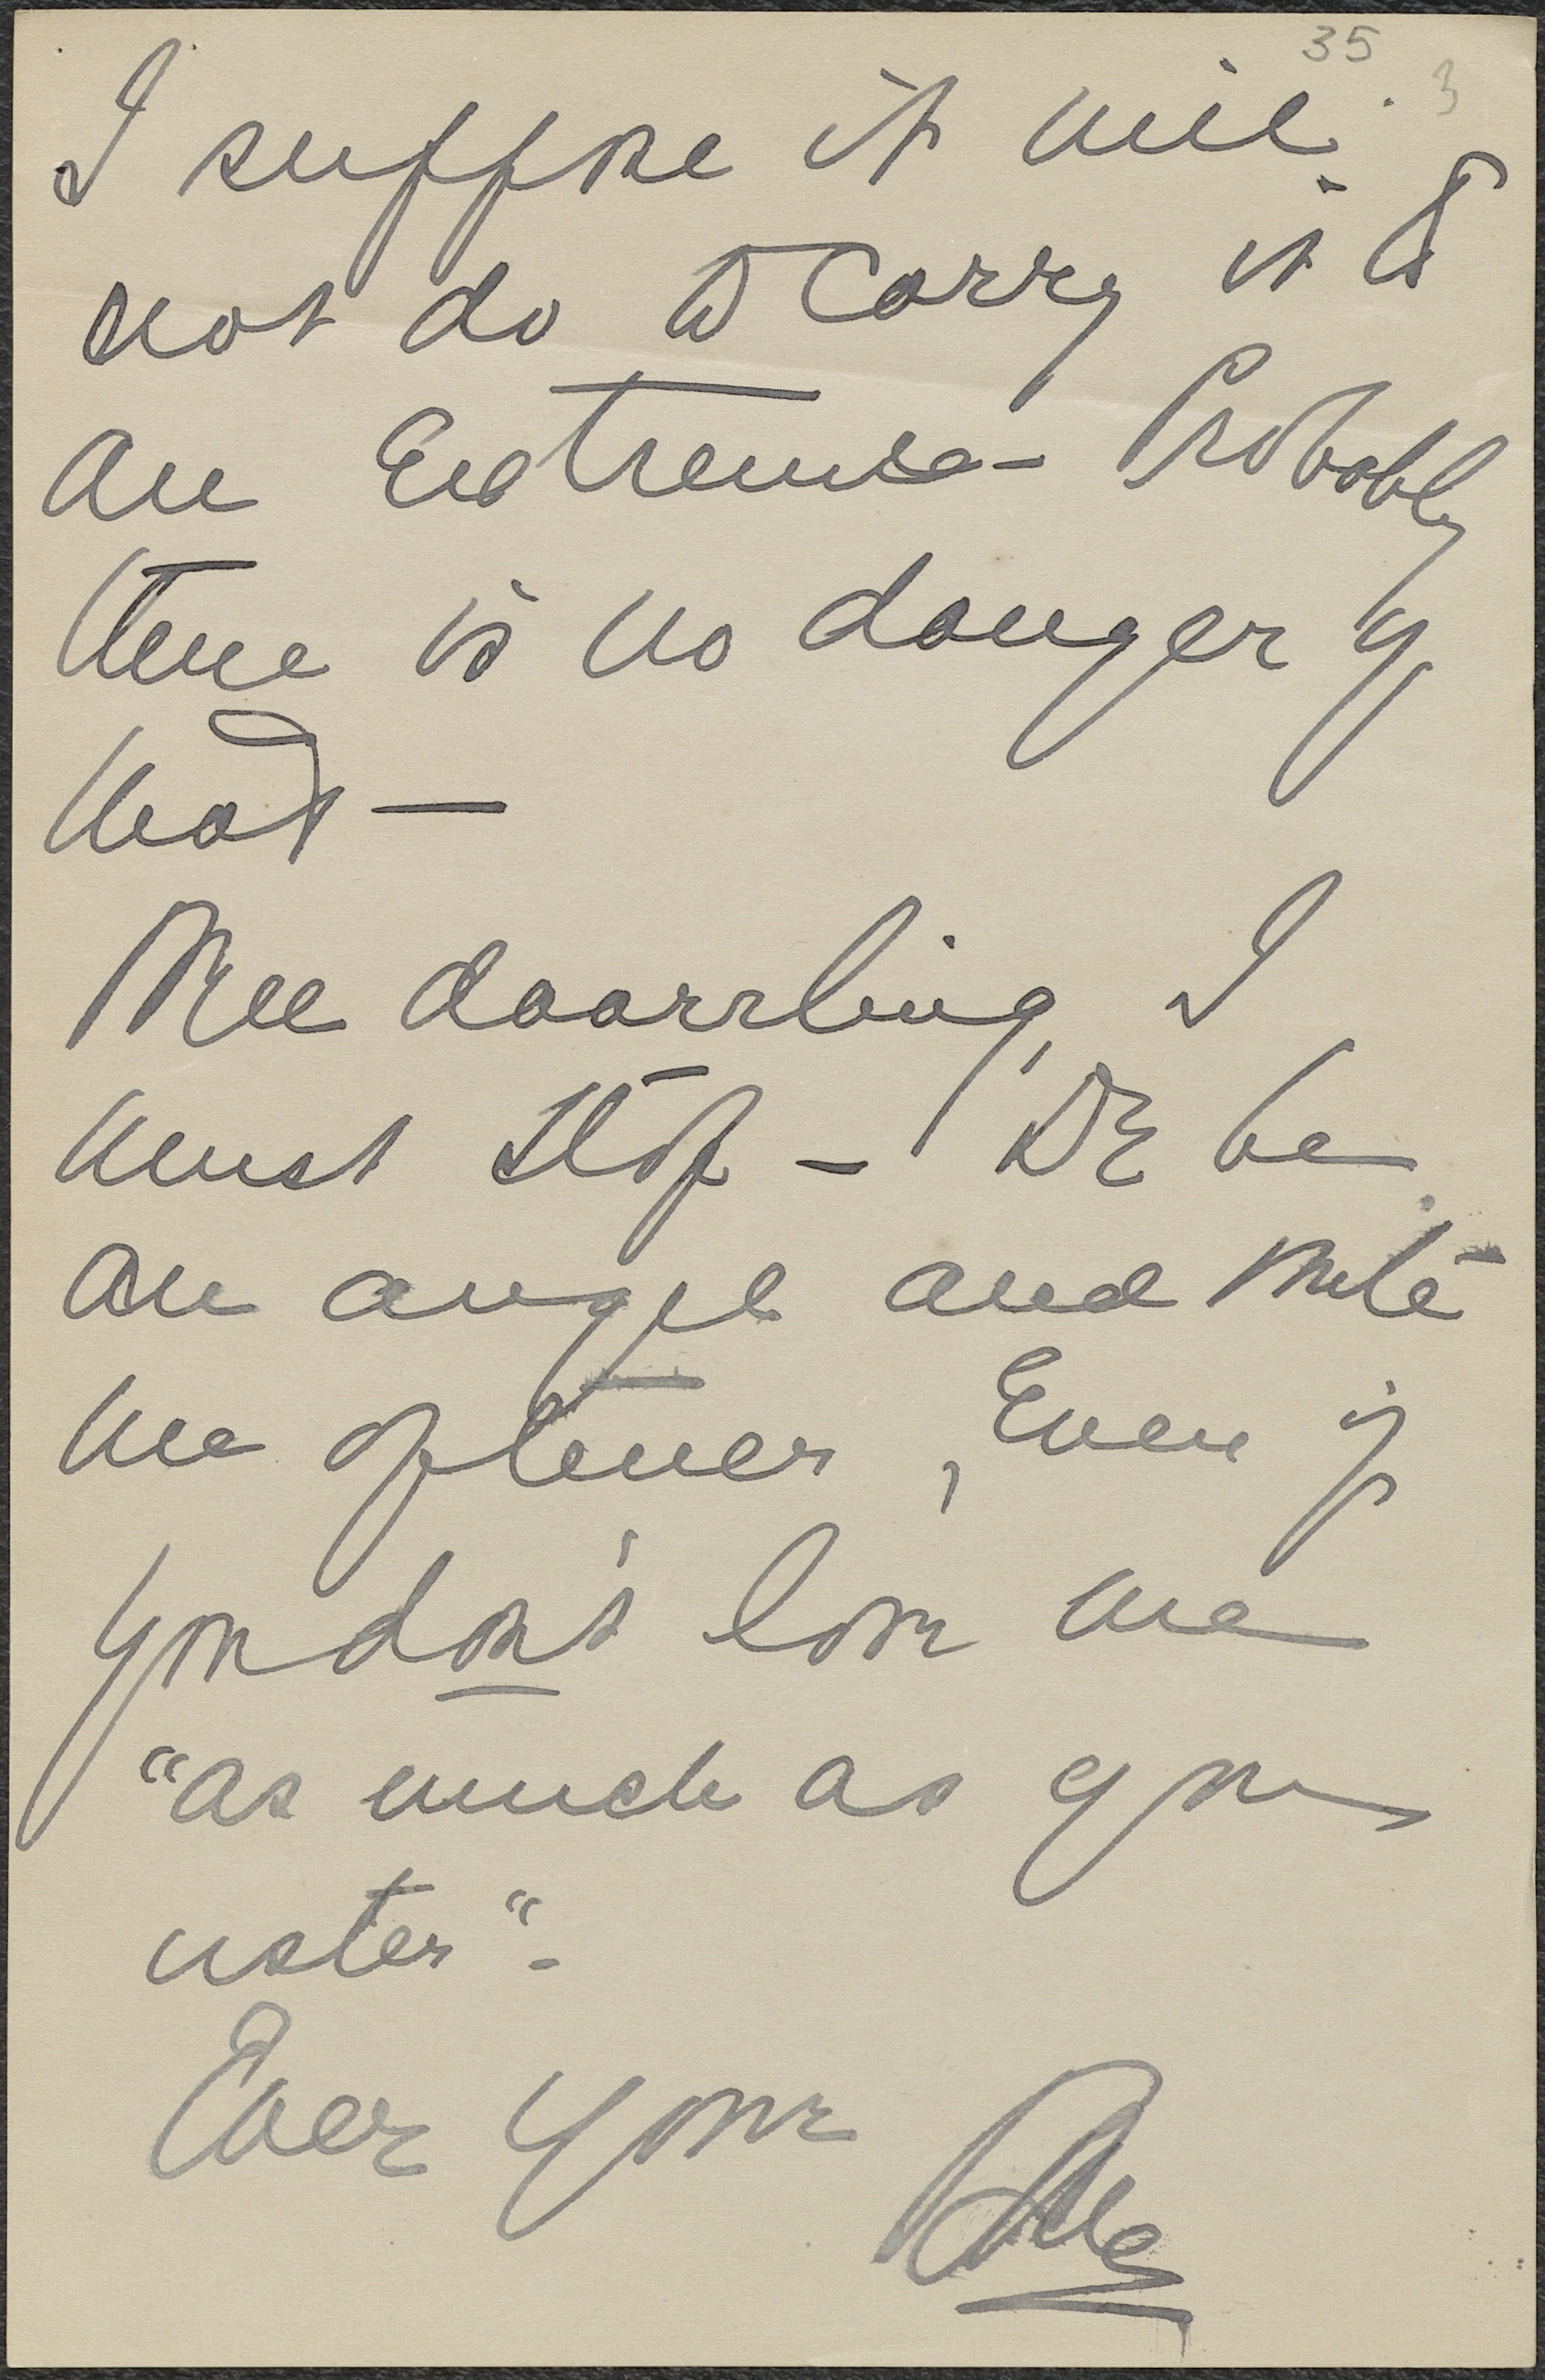I suppose it will not do to carry it to an extreme – Probably there is no danger of that –
Well daarrling, I must stop – BE be an angel and write me oftener, even if you don’t love me “as much as you uster” –
Ever your
Belle